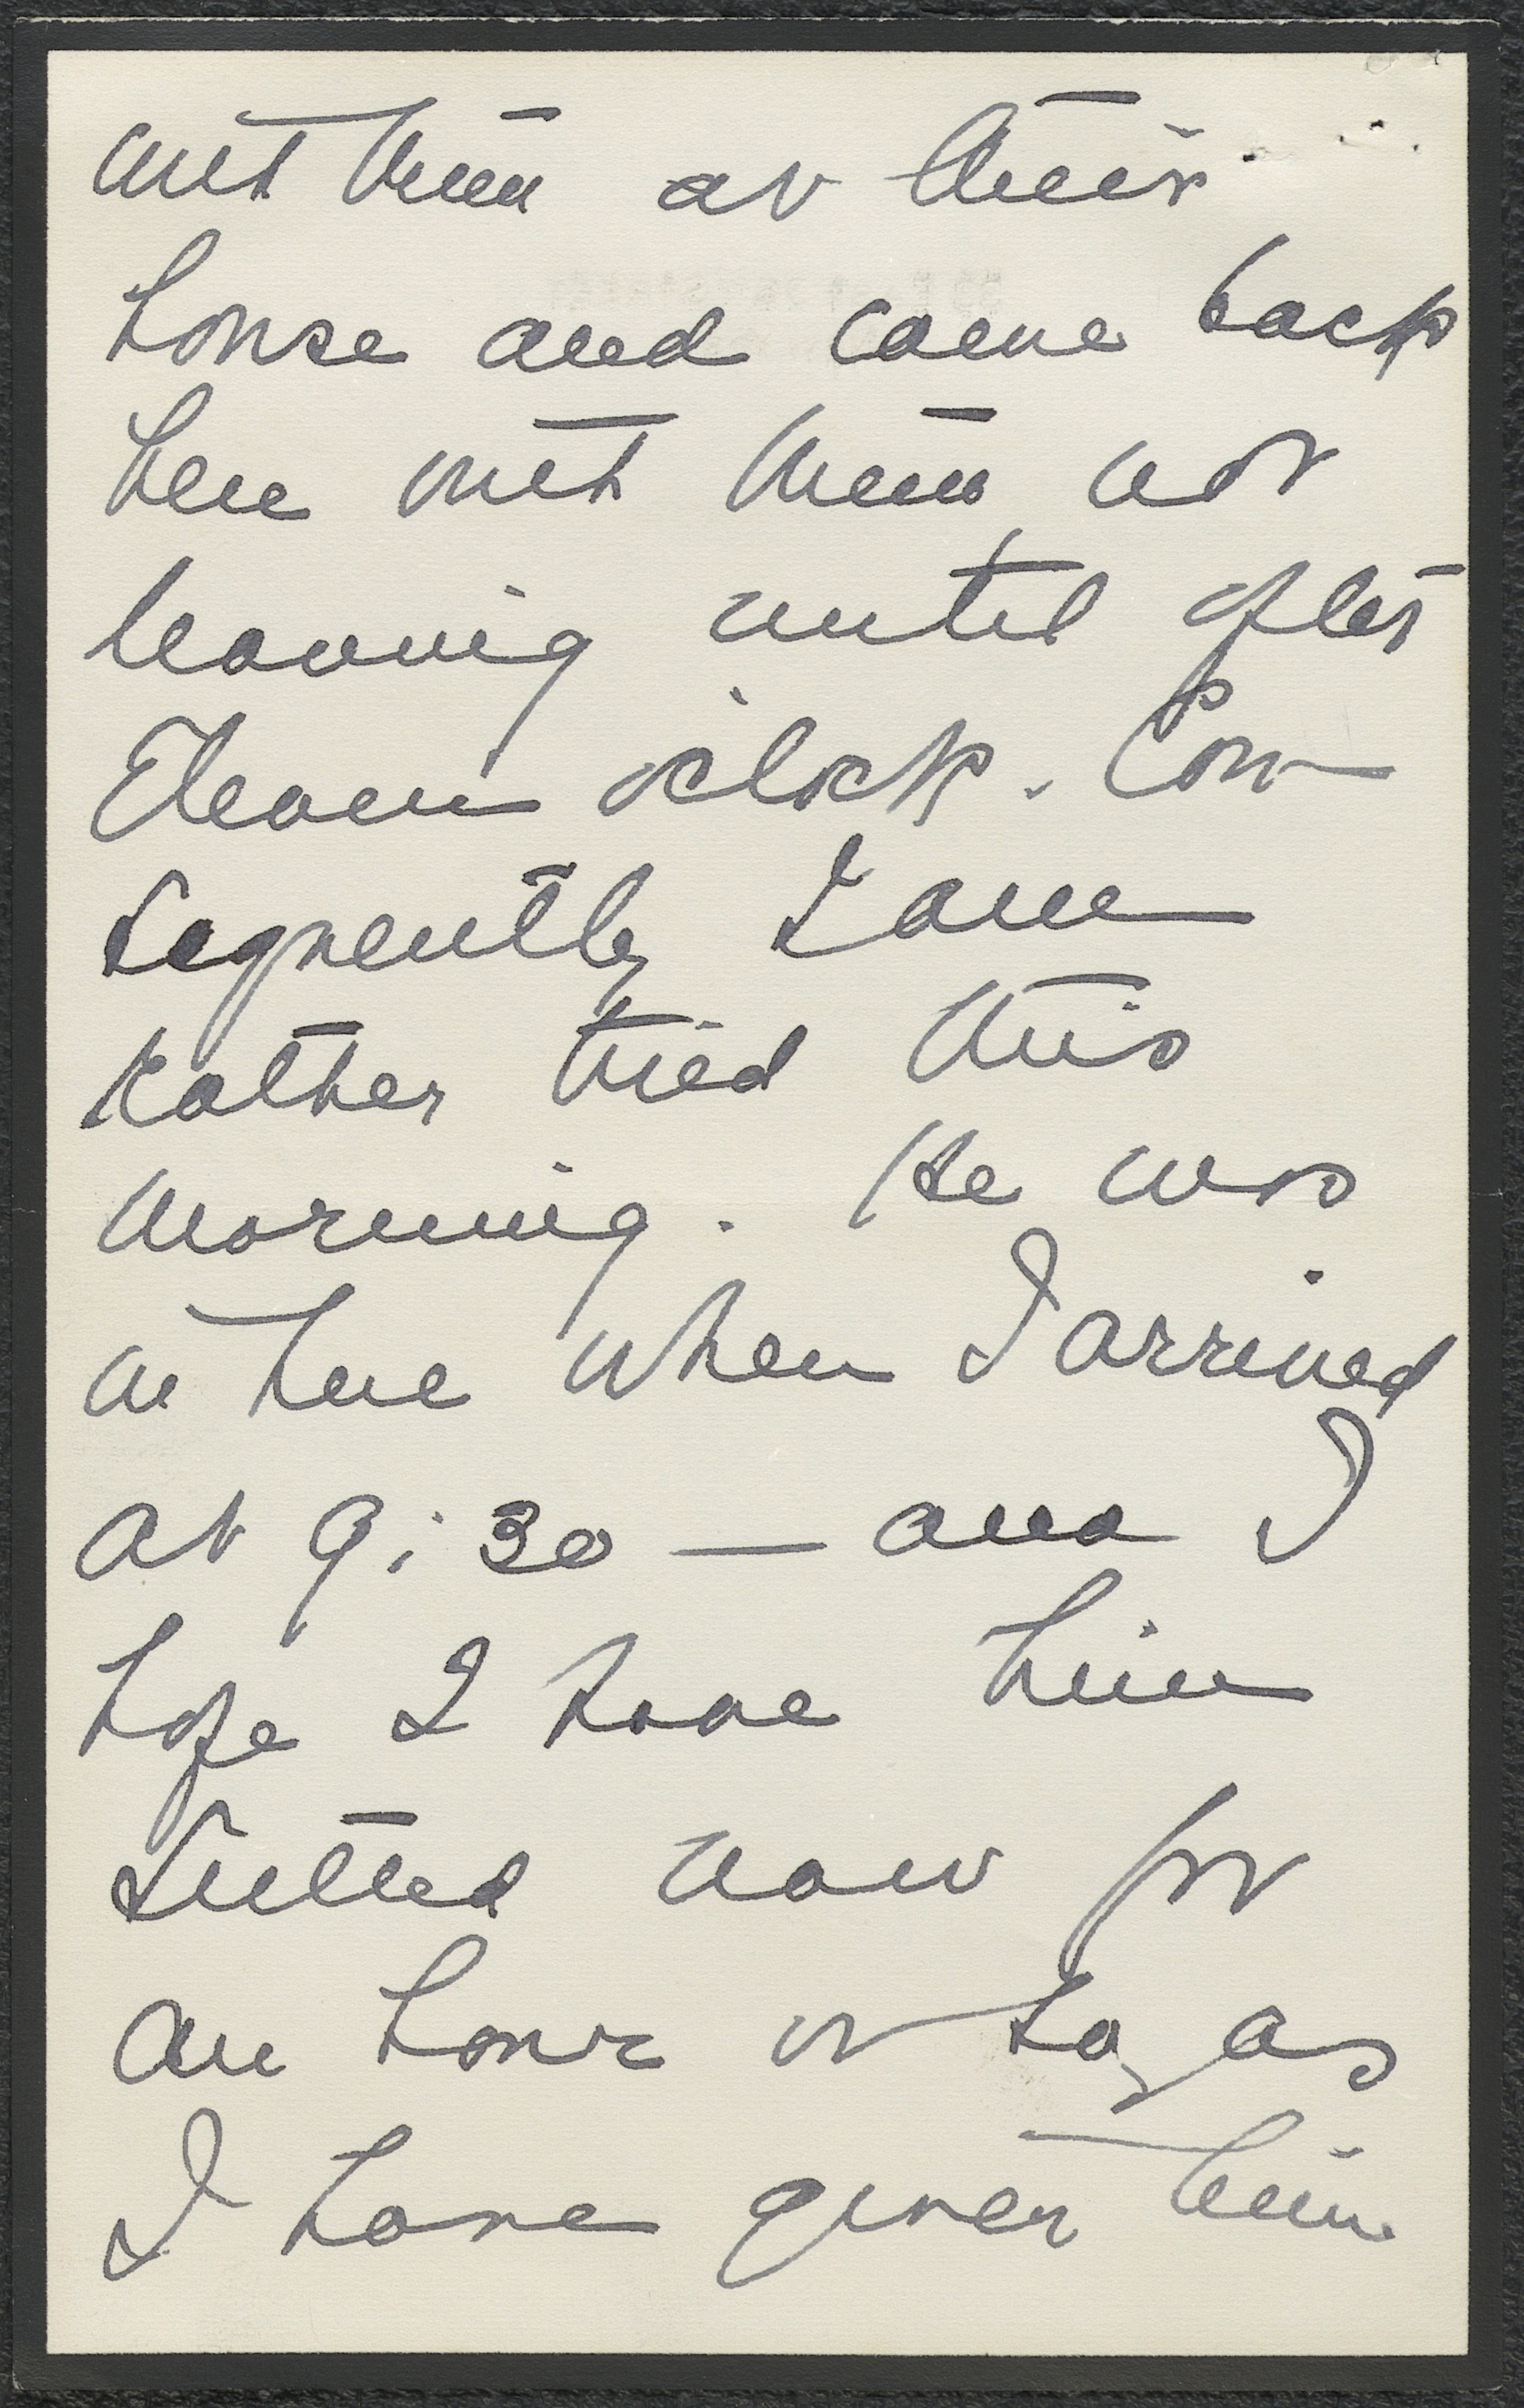with them at their house and came back here with them not leaving until after eleven o’clock. Consequently I am rather tired this morning. He was in here when I arrived at 9:30 – and hope I have him suited now for an hour or so as I have given him